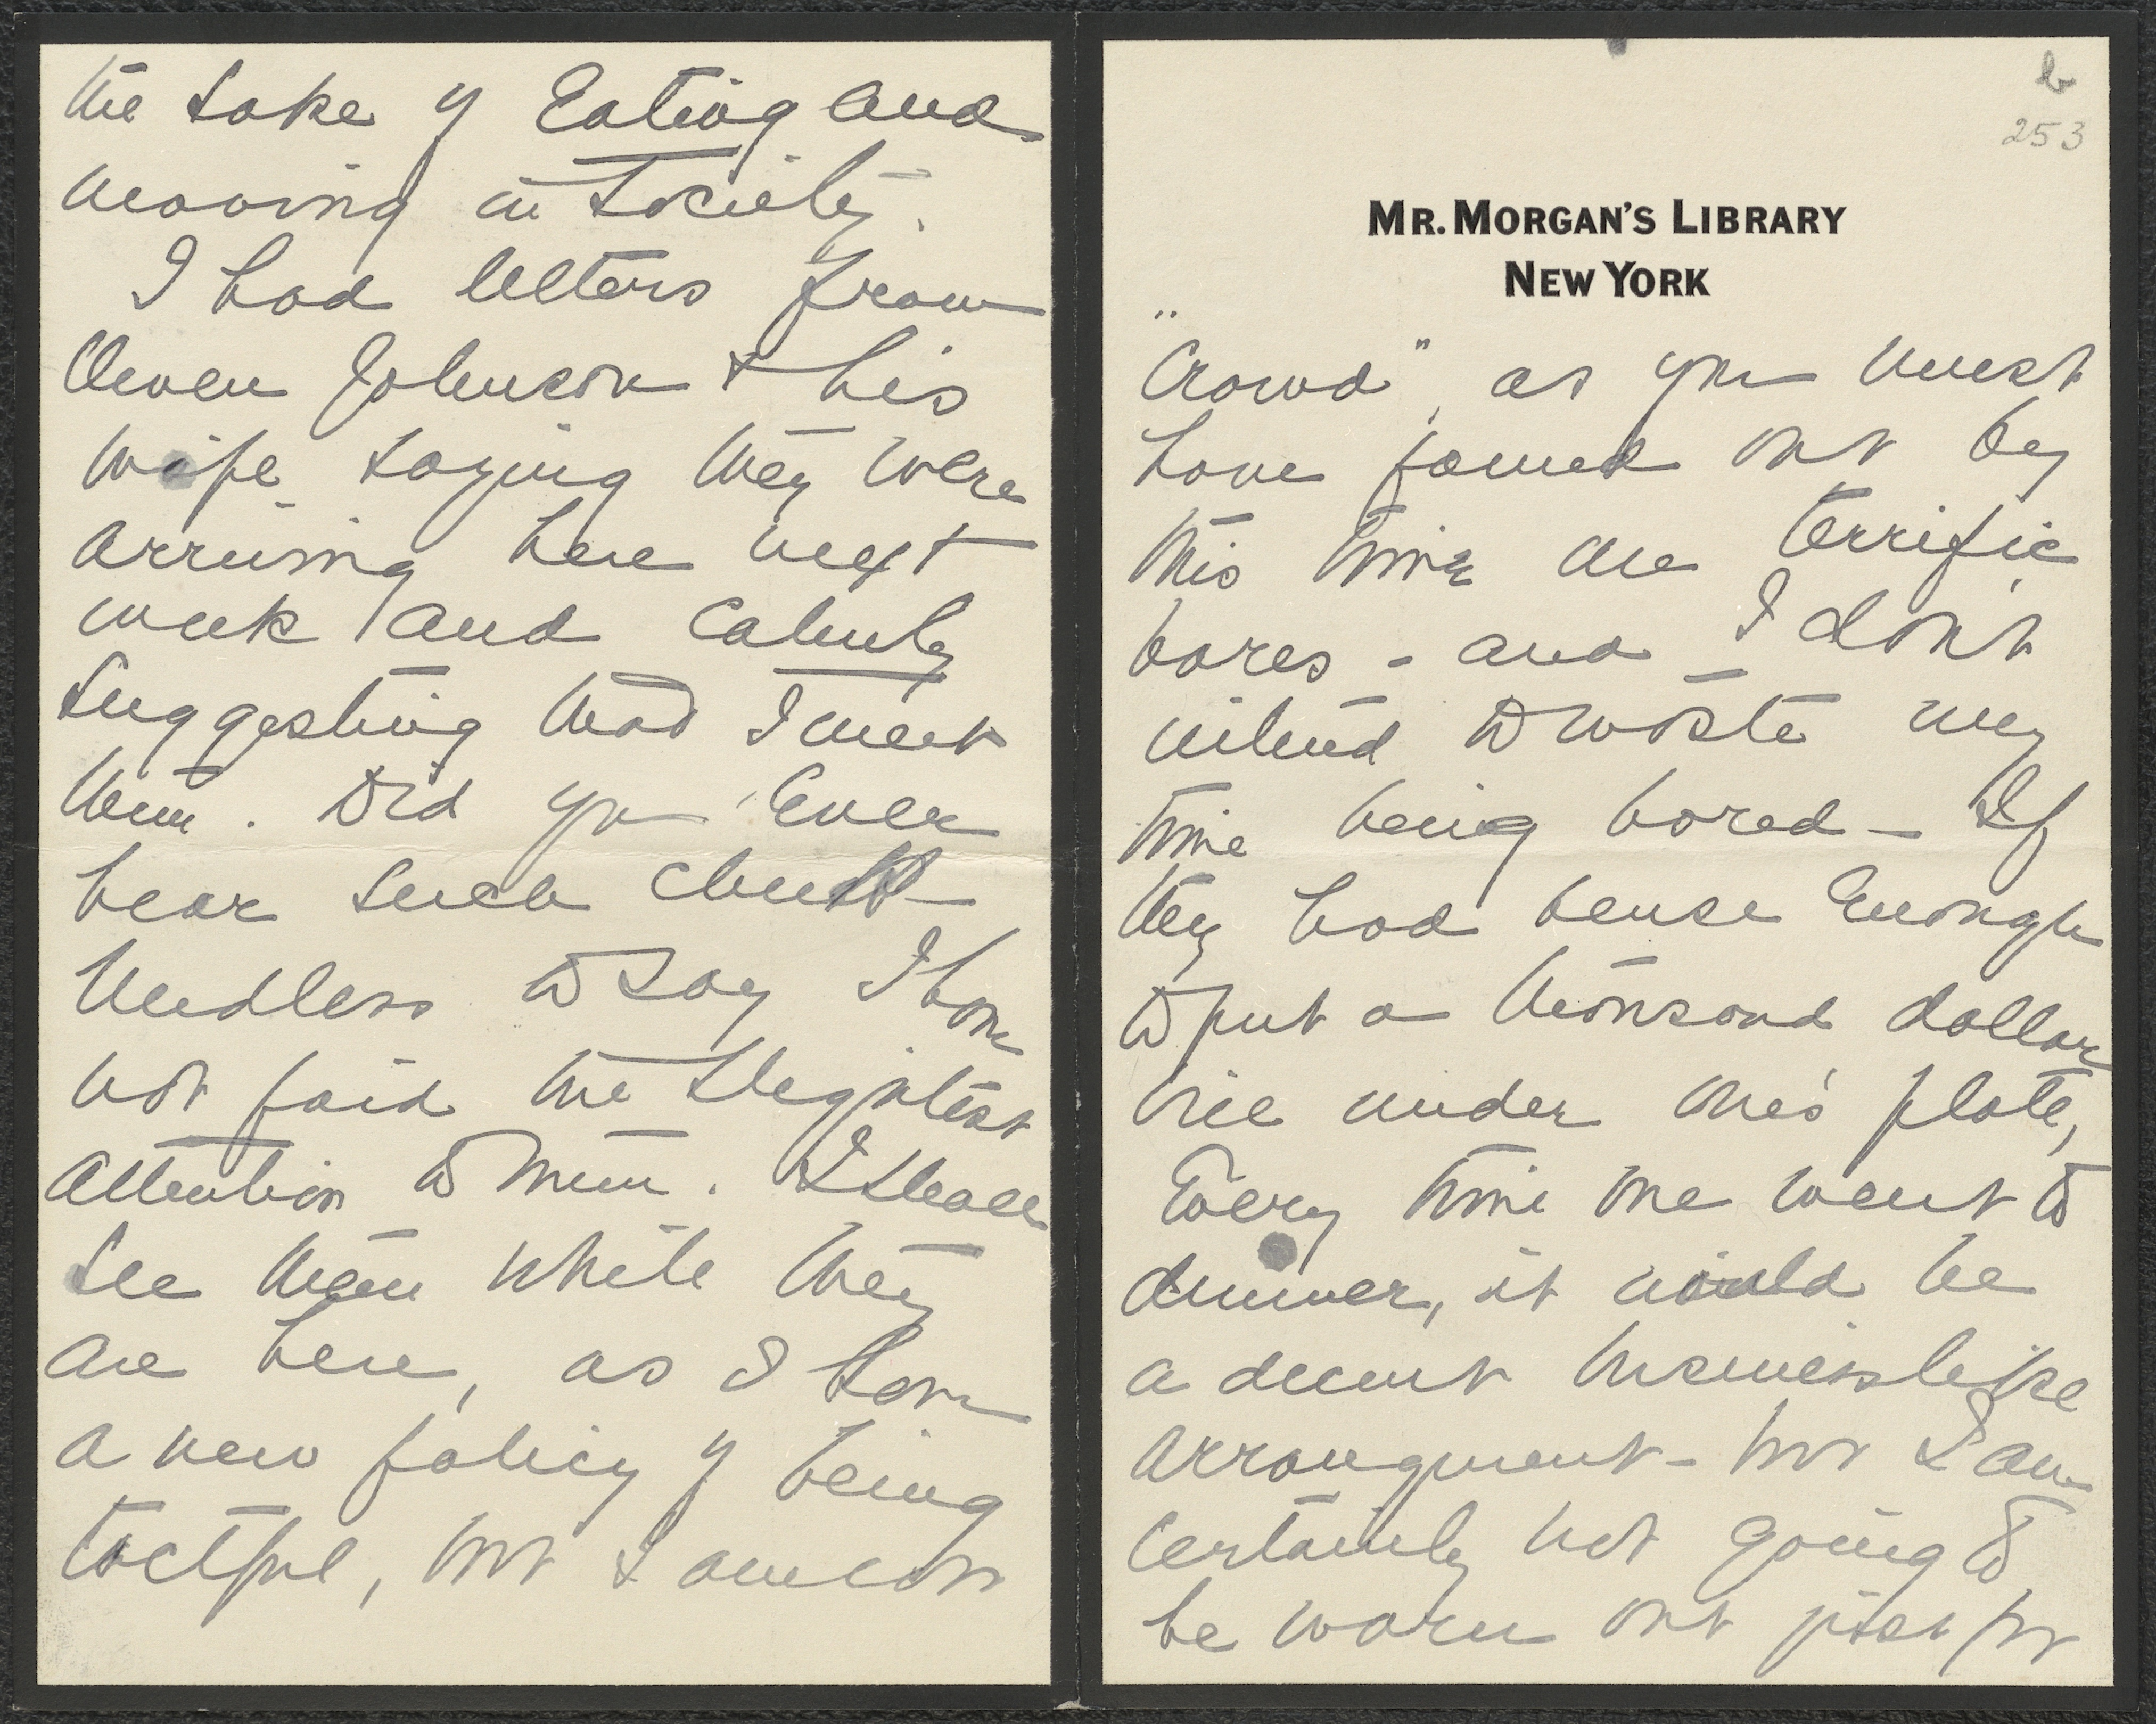“Crowd”, as you must have found out by this time are terrific bores – and I don’t intend to waste my time being bored – If they had sense enough to put a thousand dollar bill under one’s plate, every time one went to dinner, it would be a decent businesslike arrangement – but I am certainly not going to be worn out just for
the sake of eating and moving in society.
I had letters from Owen Johnson & his wife saying they were arriving here next week and calmly suggesting that I meet them. Did you ever hear such cheek? – Needless to say I have not paid the slightest attention to them. I shall see them while they are here, as I have a new policy of being tactful, but I am not